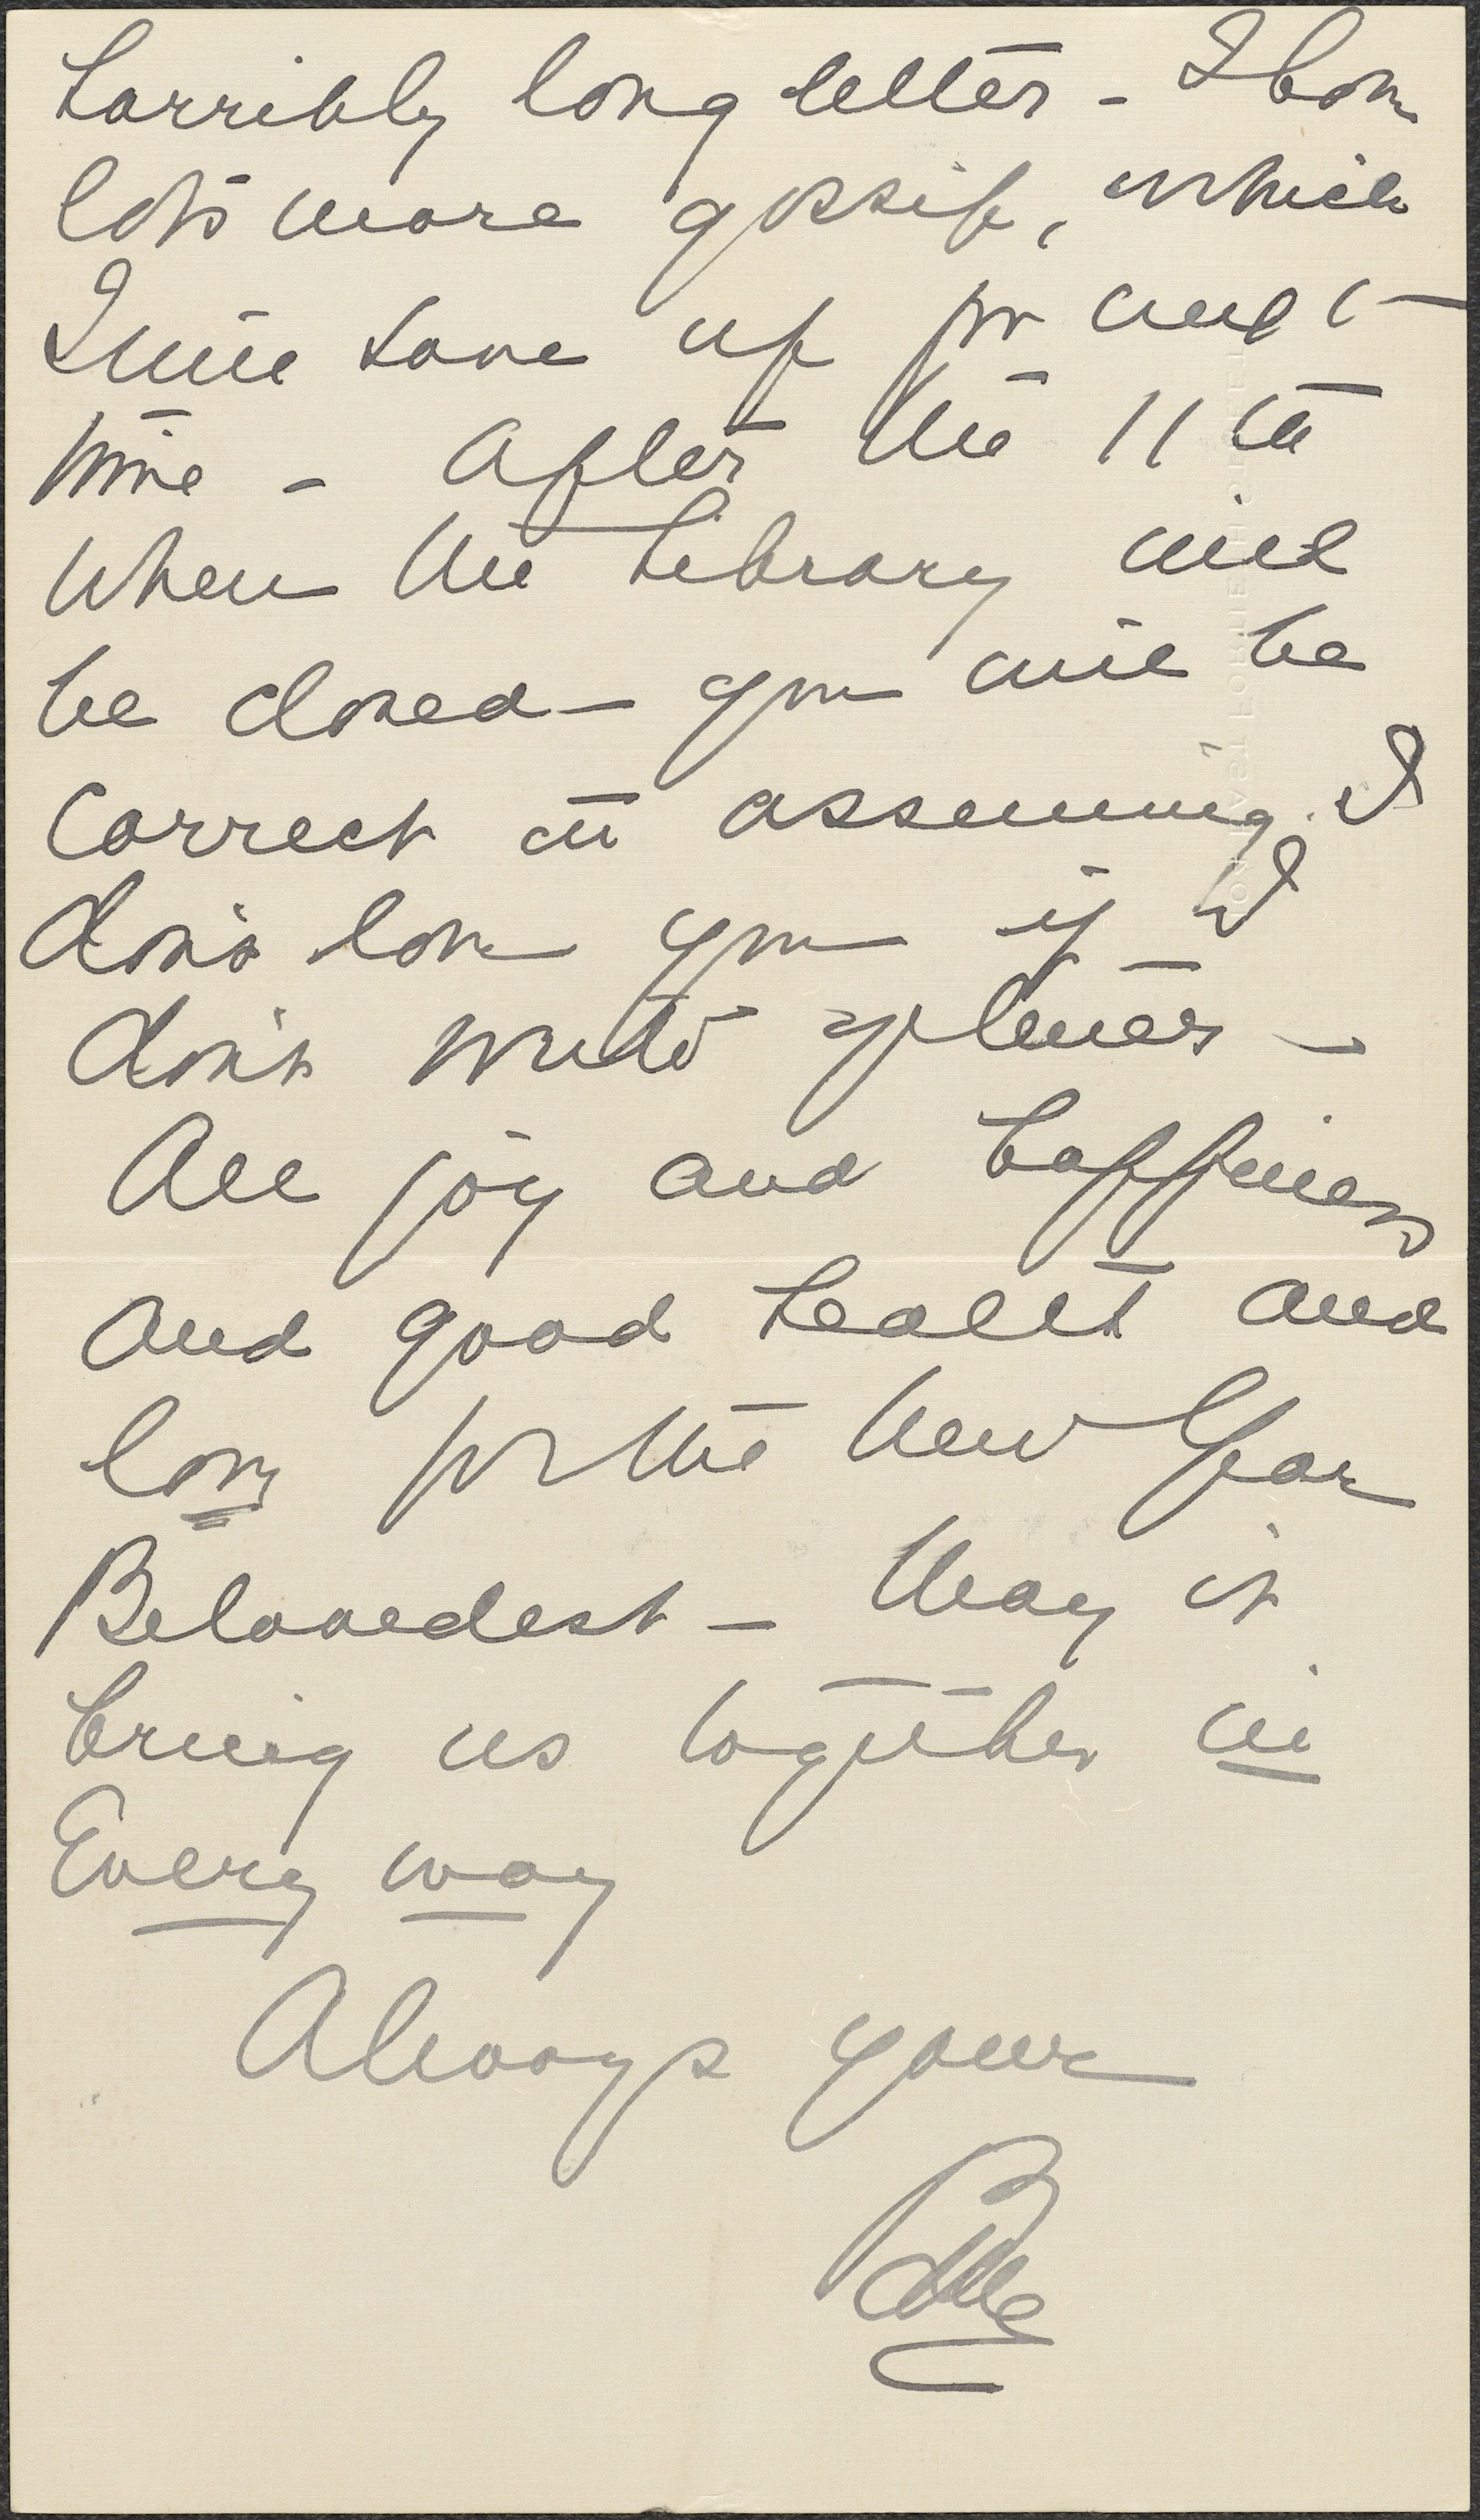horribly long letter – I have lots more gossip, which I will save up for next time – after the 11th when the Library will be closed – you will be correct in assuming I don’t love you if I don’t write oftener – All joy and happiness and good health and [double underlined: love] for the New Year Belovedest – May it bring us together in Every way
Always your
Belle